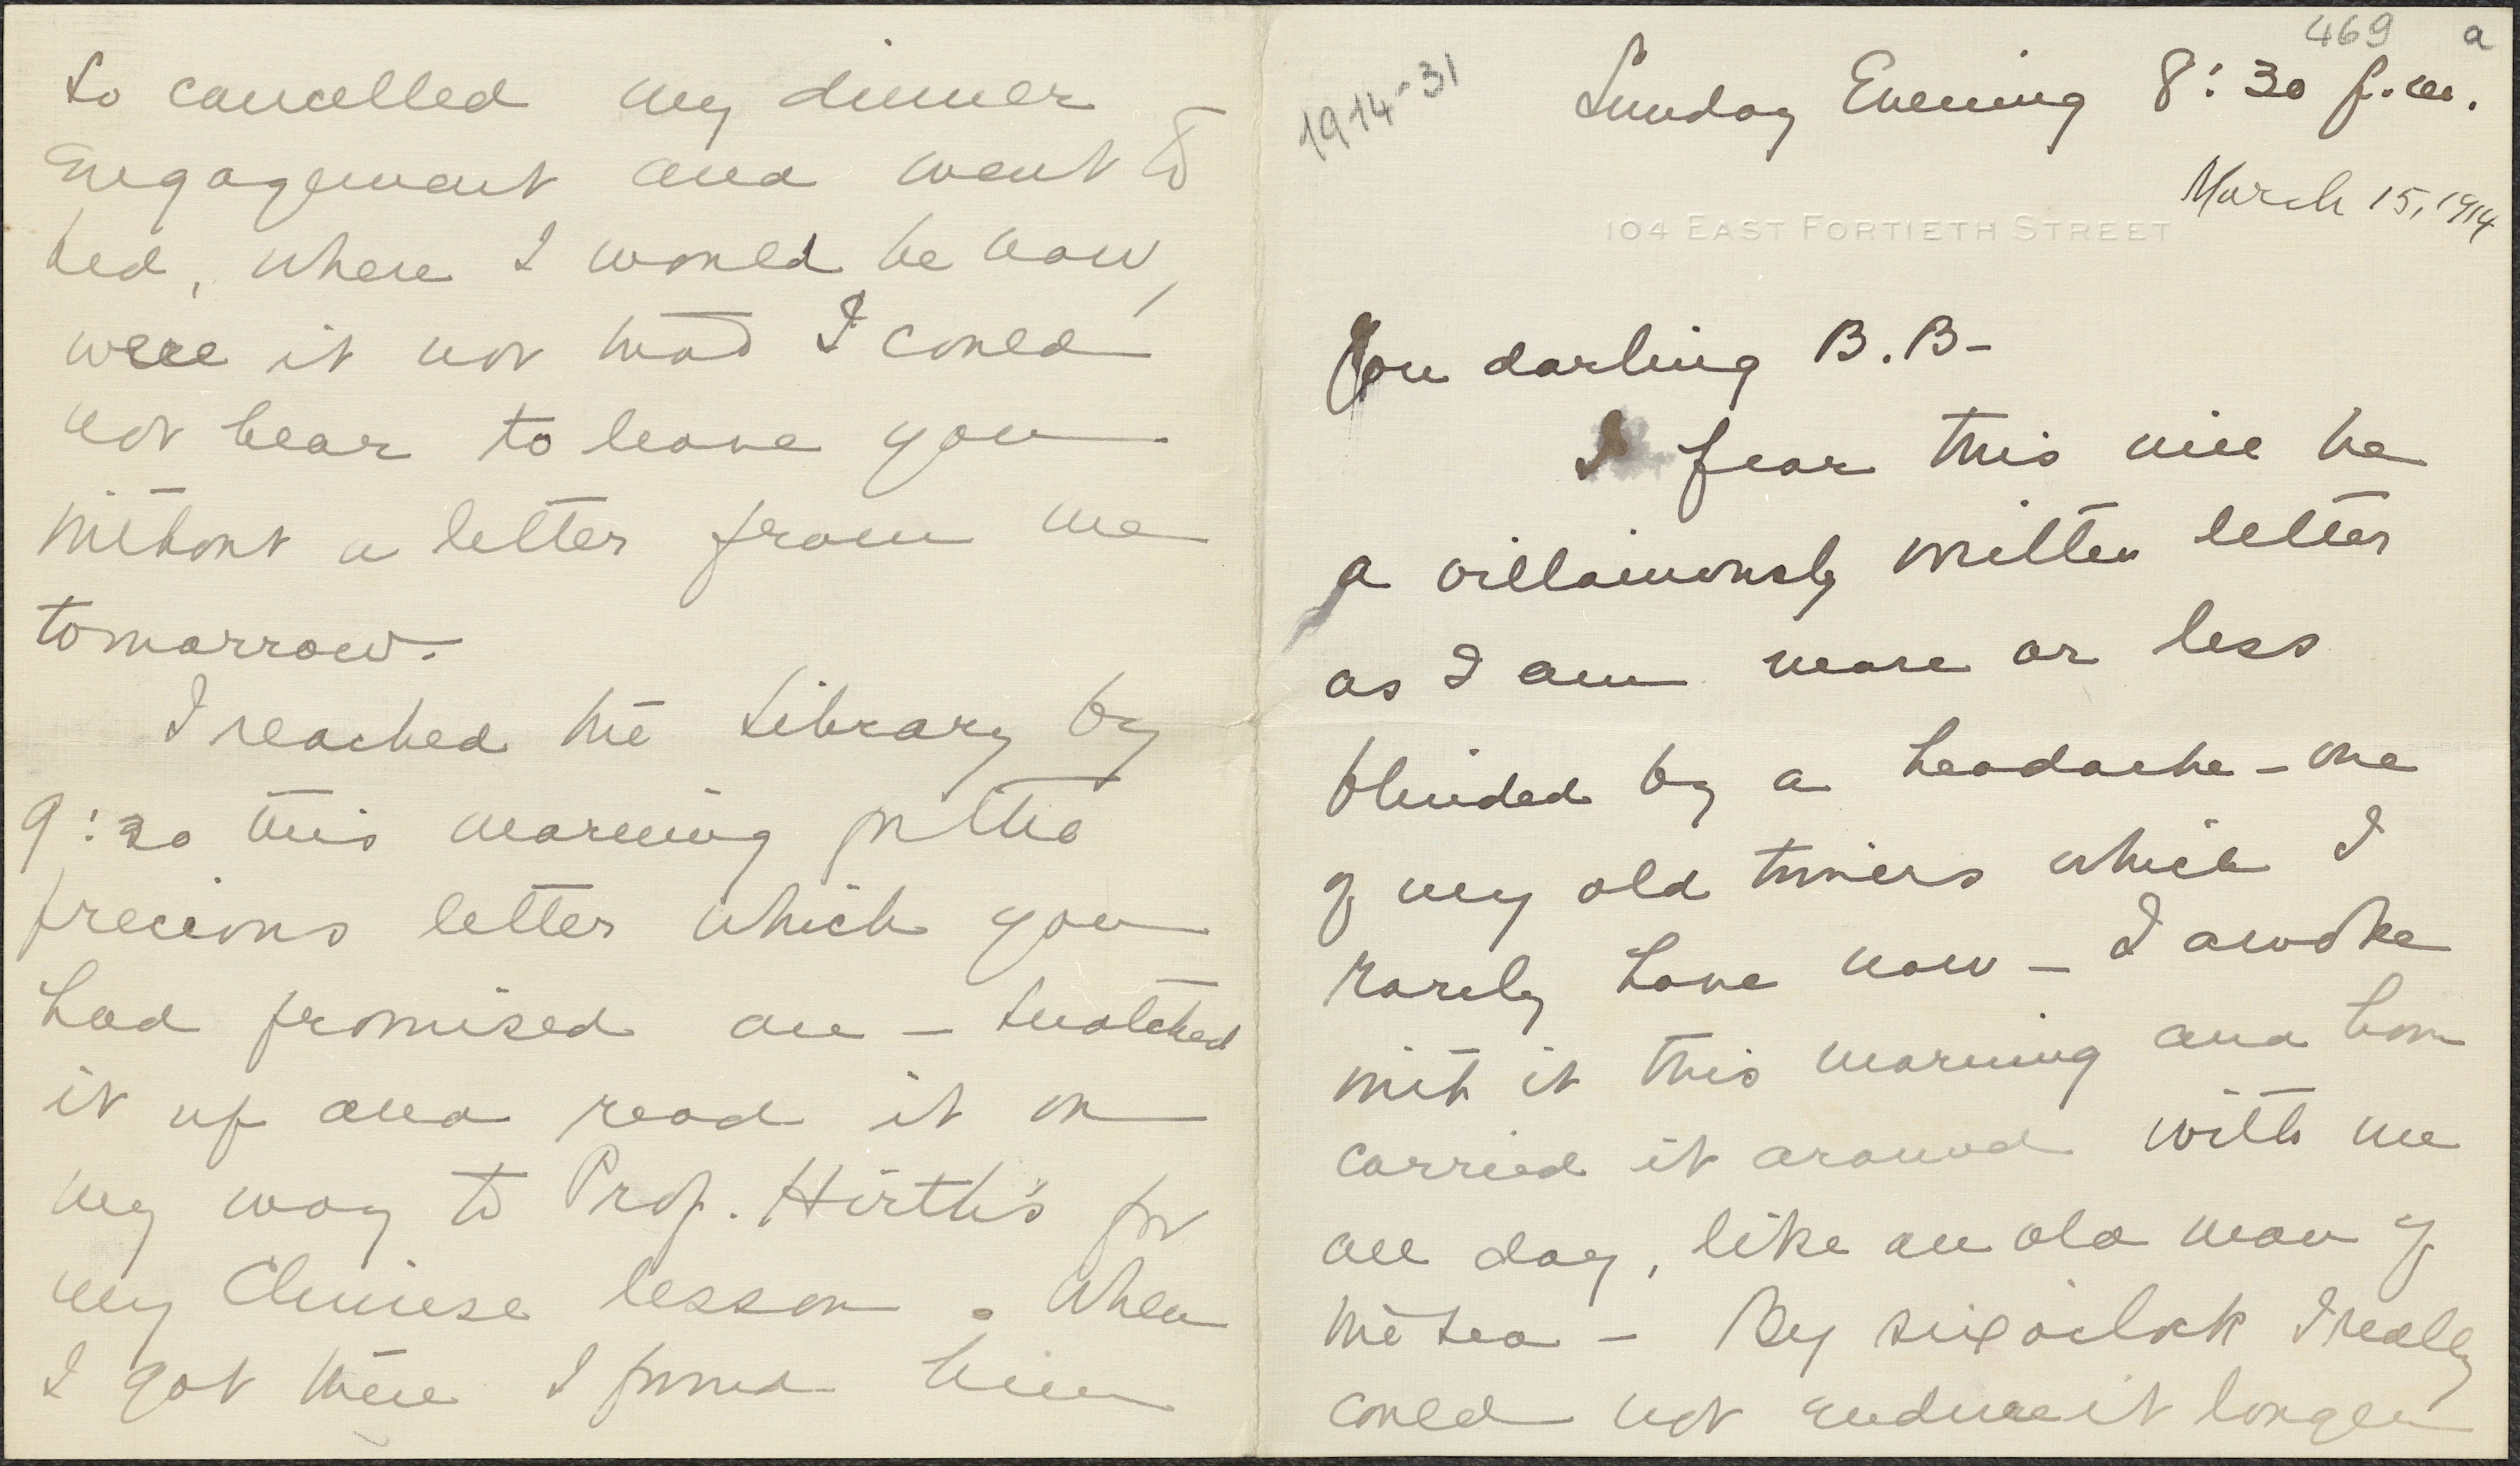Sunday Evening 8:30 p.m.
You darling B.B. –
I fear this will be a villainously written letter as I am more or less blinded by a headache – one of my old timers which I rarely have now – I awoke with it this morning and have carried it around with me all day, like an old man of the sea – By six o’clock I really could not endure it longer
so cancelled my dinner engagement and went to bed, where I would be now, were it not that I could not bear to leave you without a letter from me tomorrow.
I reached the Library by 9:30 this morning for the precious letter which you had promised me – snatched it up and read it on my way to Prof. Hirth’s for my Chinese lesson. When I got there I found him